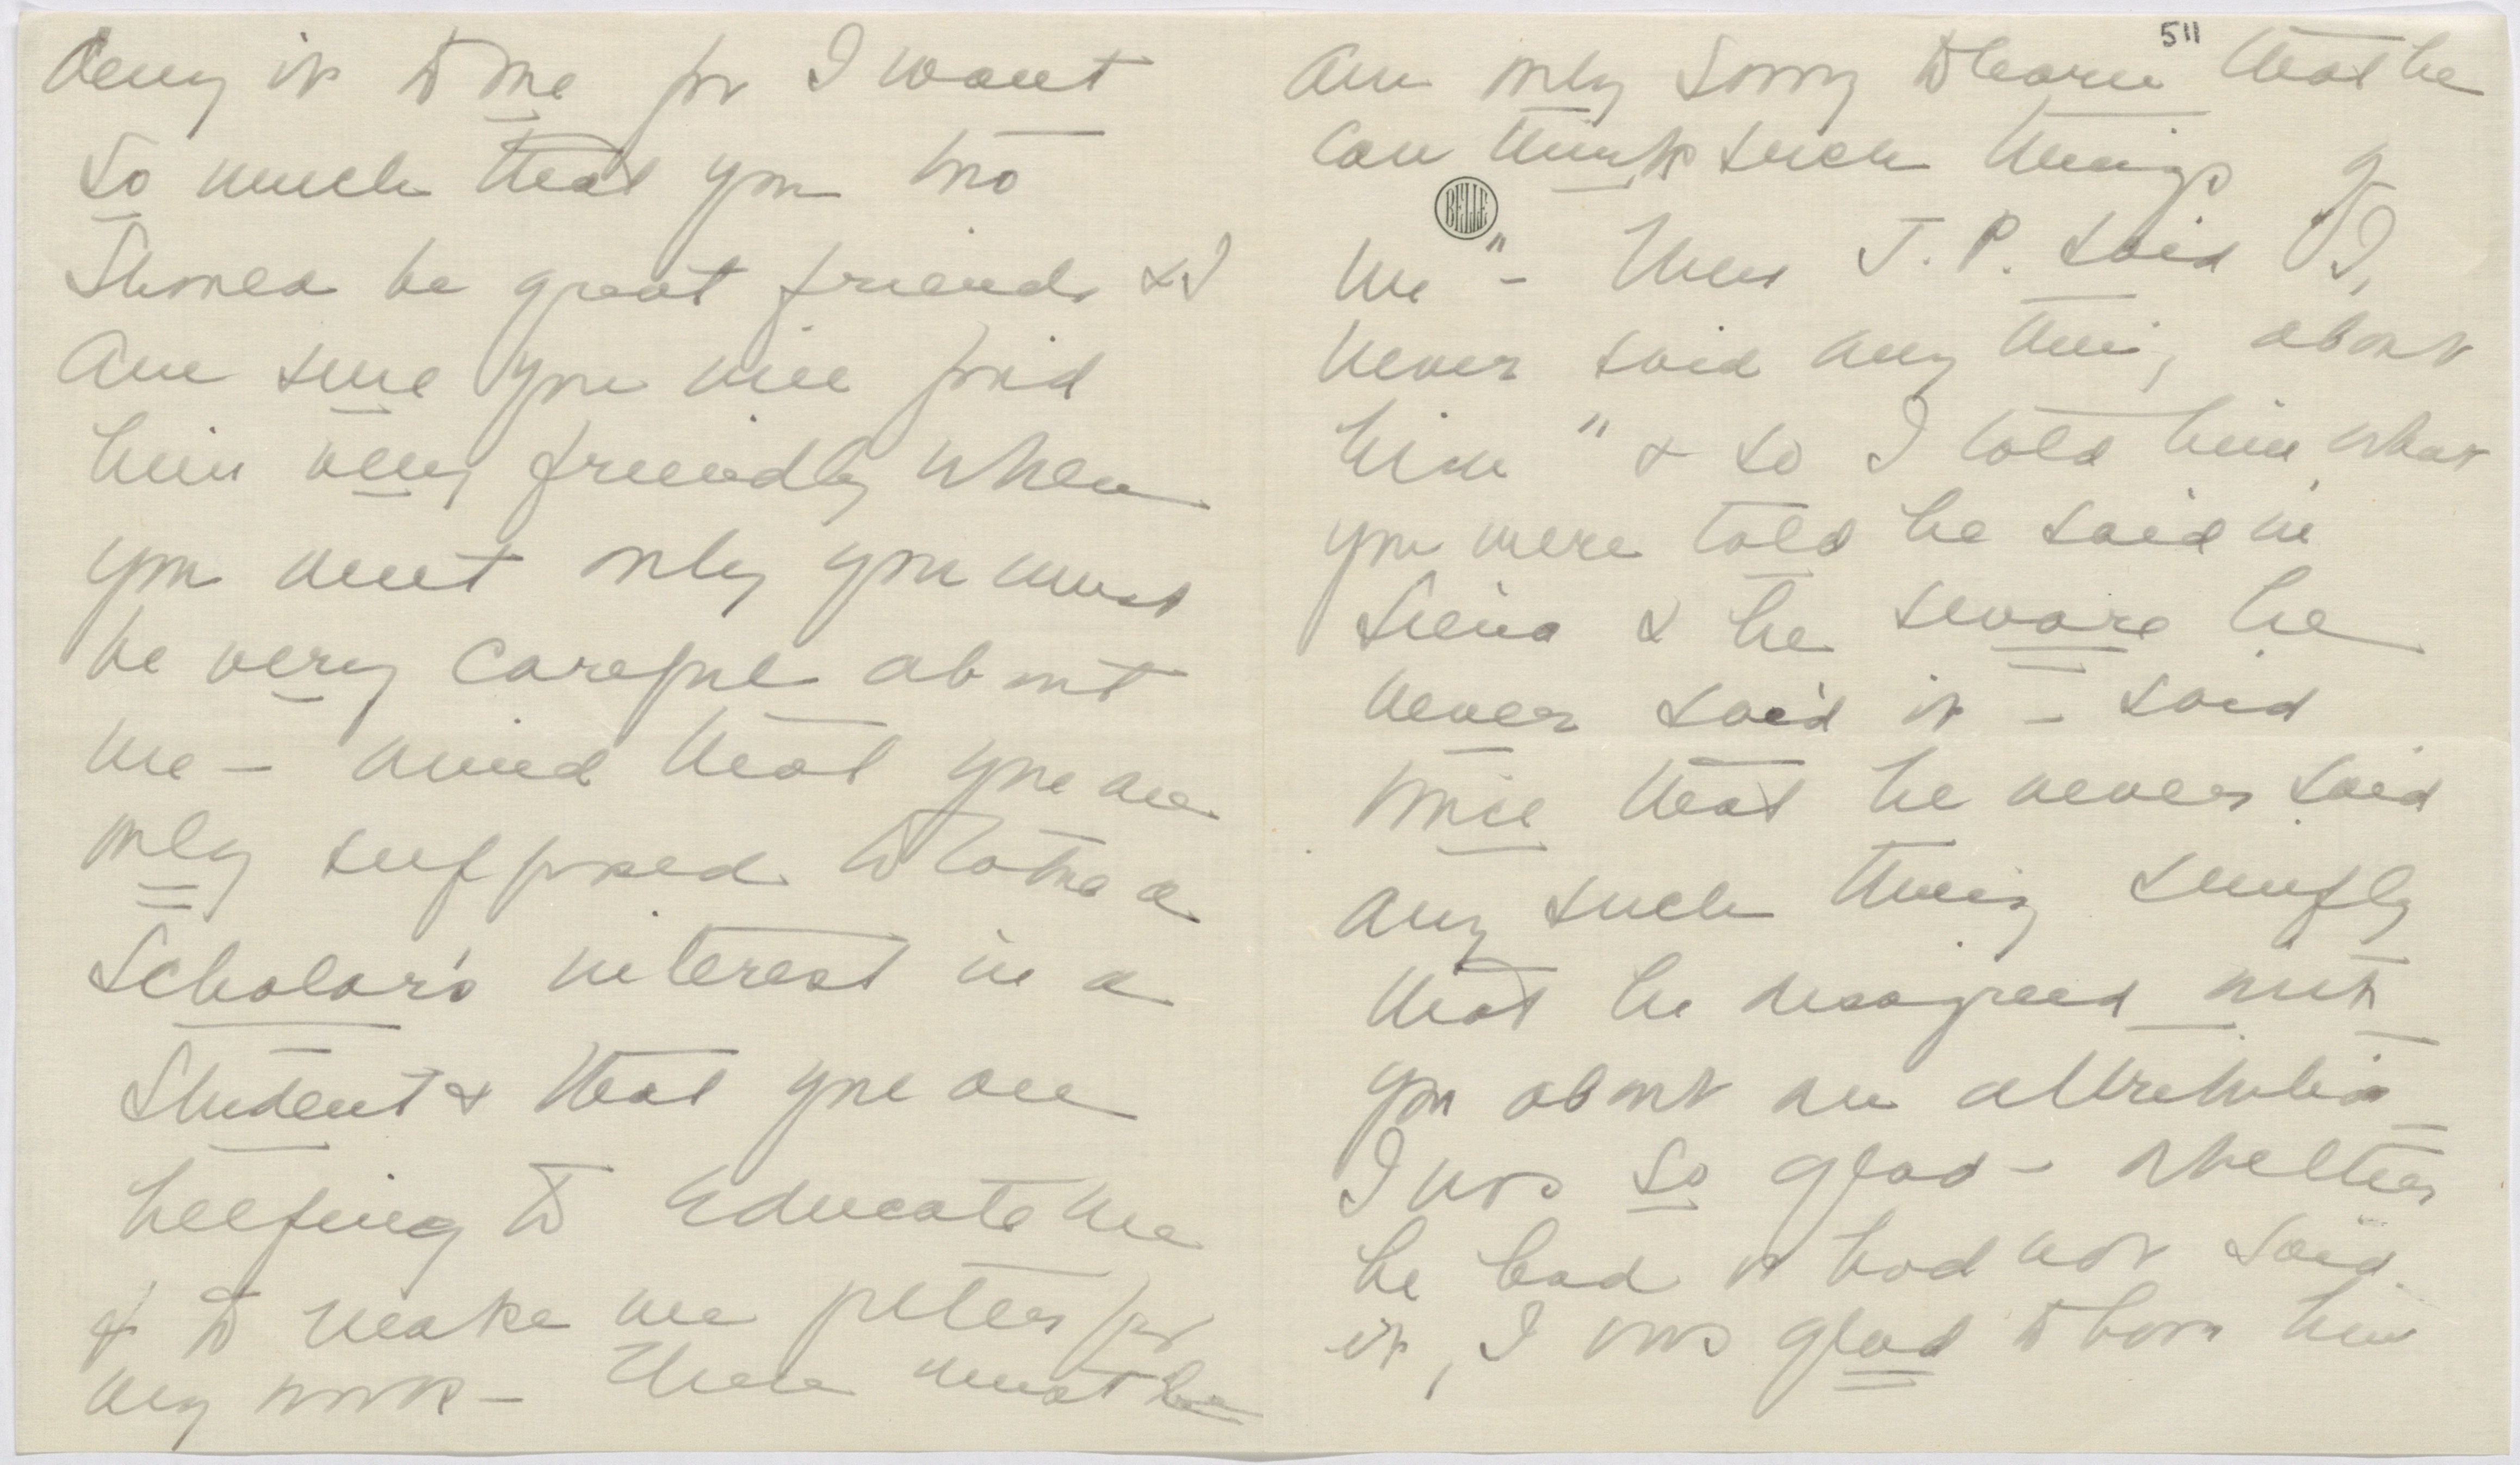am only sorry to learn that he can think such things of me” – Then J. P. said “I never said any thing about him” & so I told him what you were told he said in Siena & he [double underlined: swore] he never said it – said twice that he never said any such thing simply that he disagreed with you about an attribution – I was so glad – whether he had or had not said it, I was [double underlined: glad] to have him
deny it to me for I want so much that you two should be great friends & I am sure you will find him very friendly when you meet only you must be very careful about me – mind that you are [double underlined: only] supposed to take a [double underlined: Scholar’s] interest in a Student & that you are helping to educate me & to make me fitter for my work – There must be